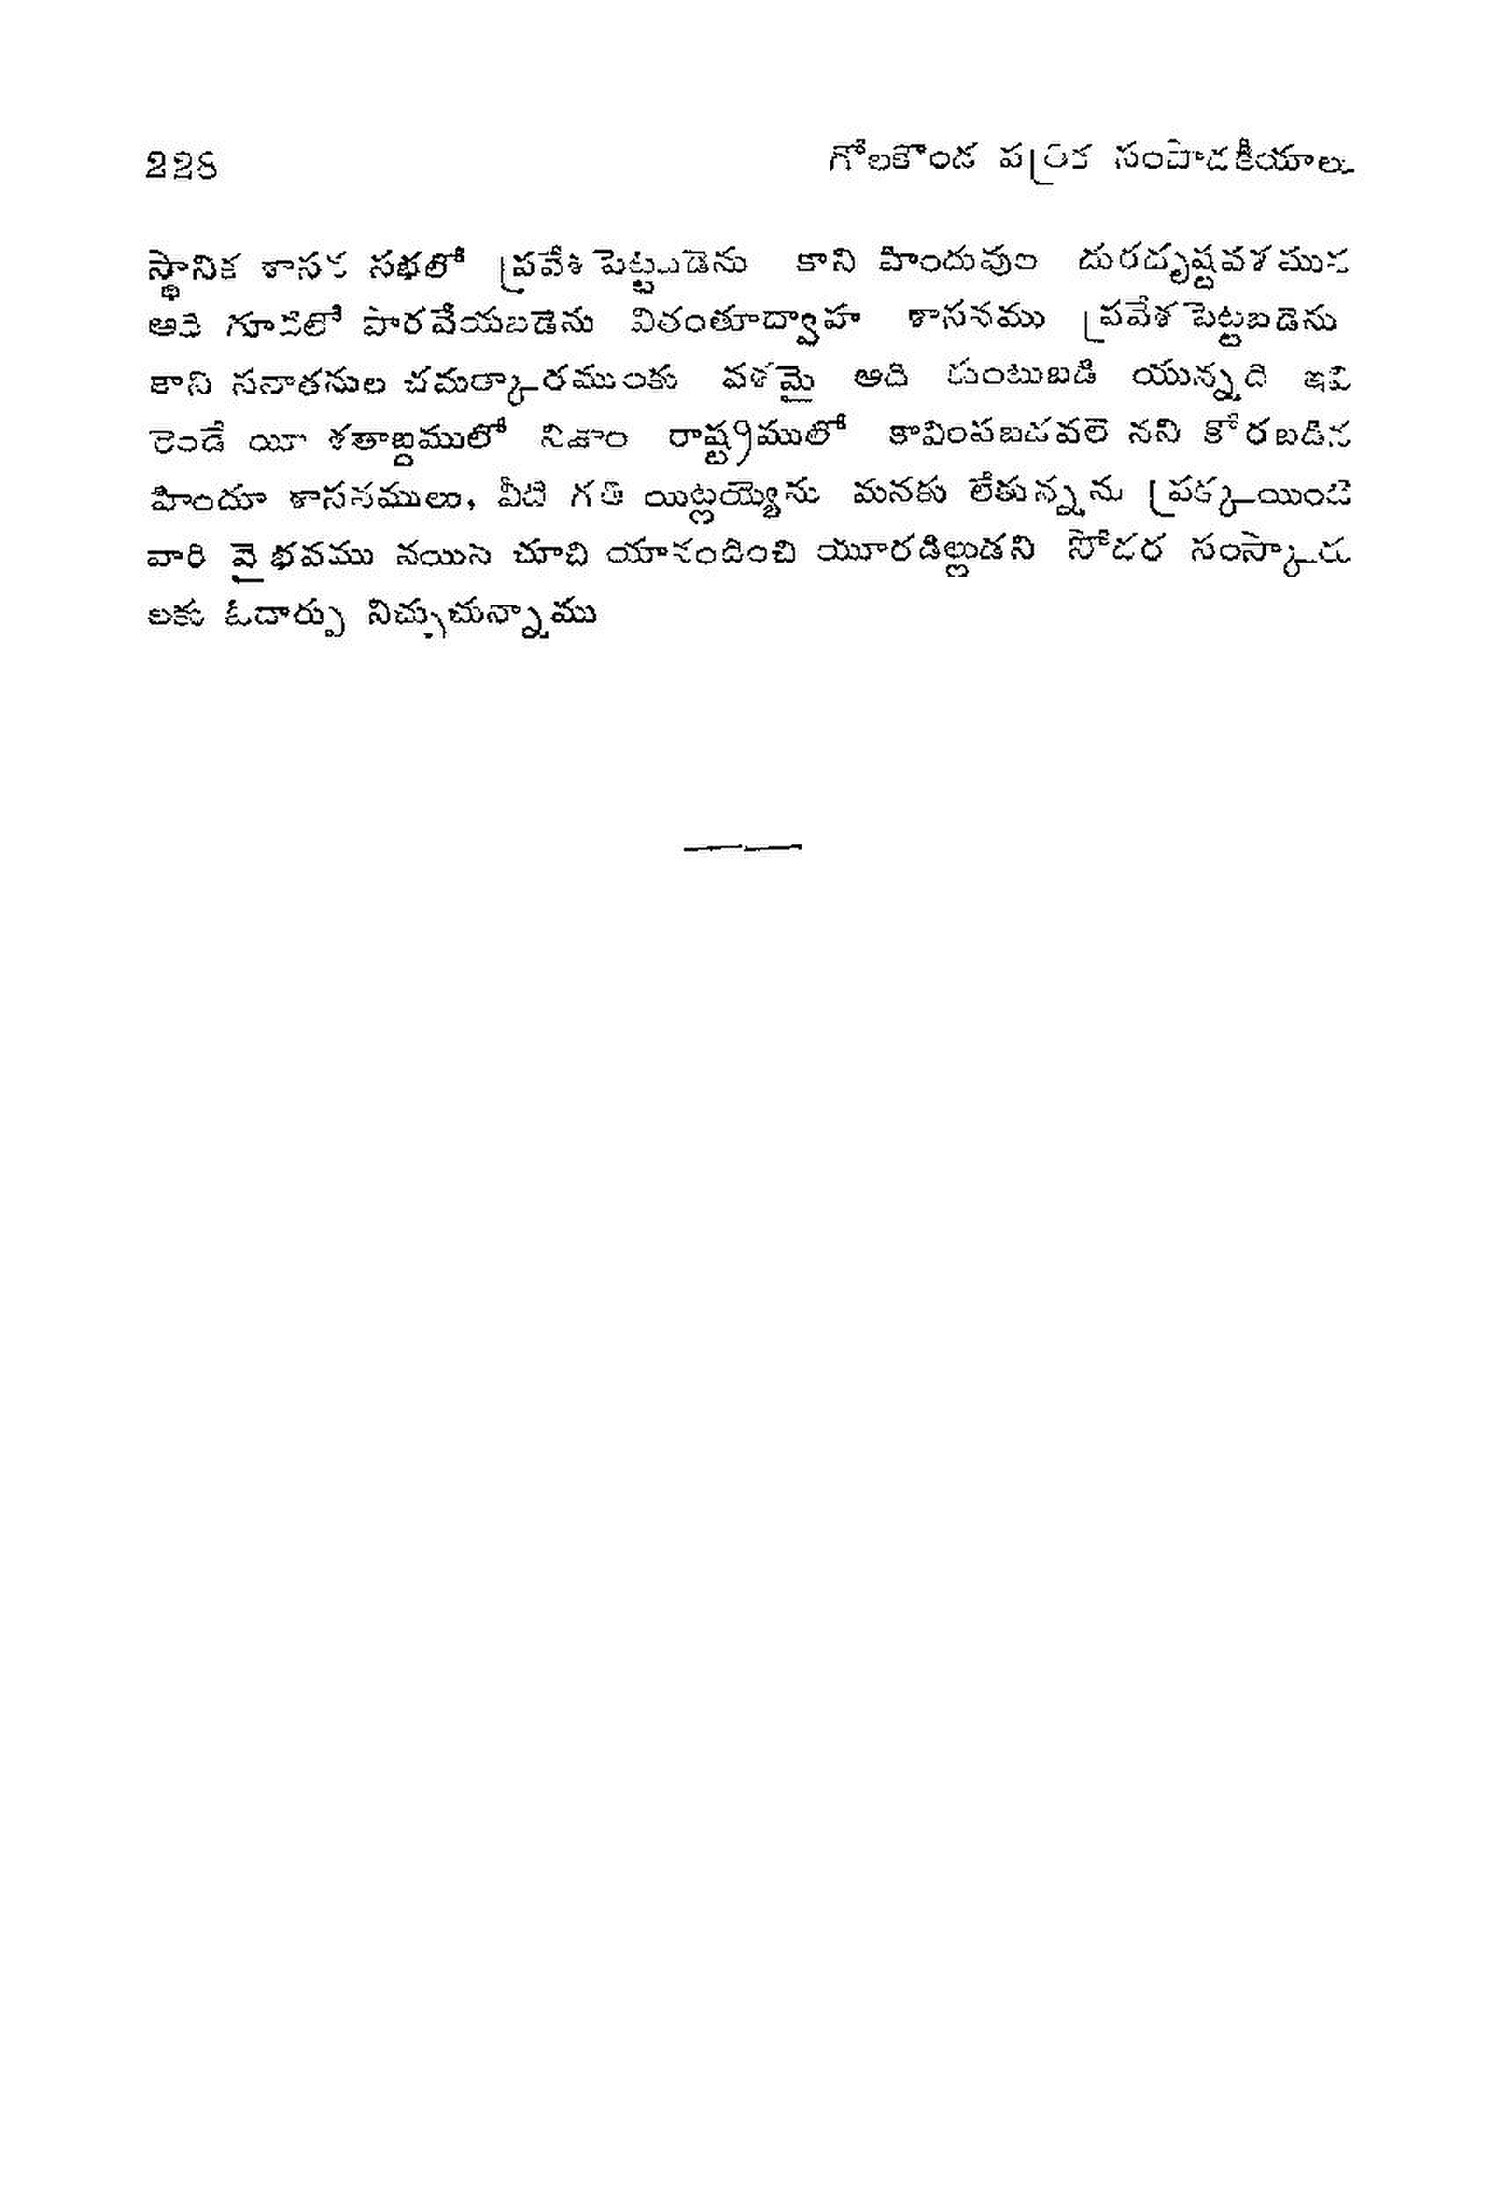స్థానిక శాసన సభలో ప్రవేశ పెట్టబడెను కాని హిందువుల దురదృష్టవశమున అది గూటిలో పారవేయబడెను వితంతూద్వాహ శాసనము ప్రవేశ పెట్టబడెను కాని సనాతనుల చమత్కారములకు వశమై అది కుంటుబడి యున్నది. ఇవి రెండే యీ శతాబ్దములో నిజాం రాష్ట్రములో కావింపబడవలె నని కోరబడిన హిందూ శాసనములు, వీటి గతి యిట్లయ్యెను మనకు లేకున్నను ప్రక్కయింటి వారి వైభవము నయిన చూచి యానందించి యూరడిల్లుడని సోదర సంస్కారులకు ఓదార్పు నిచ్చుచున్నాము